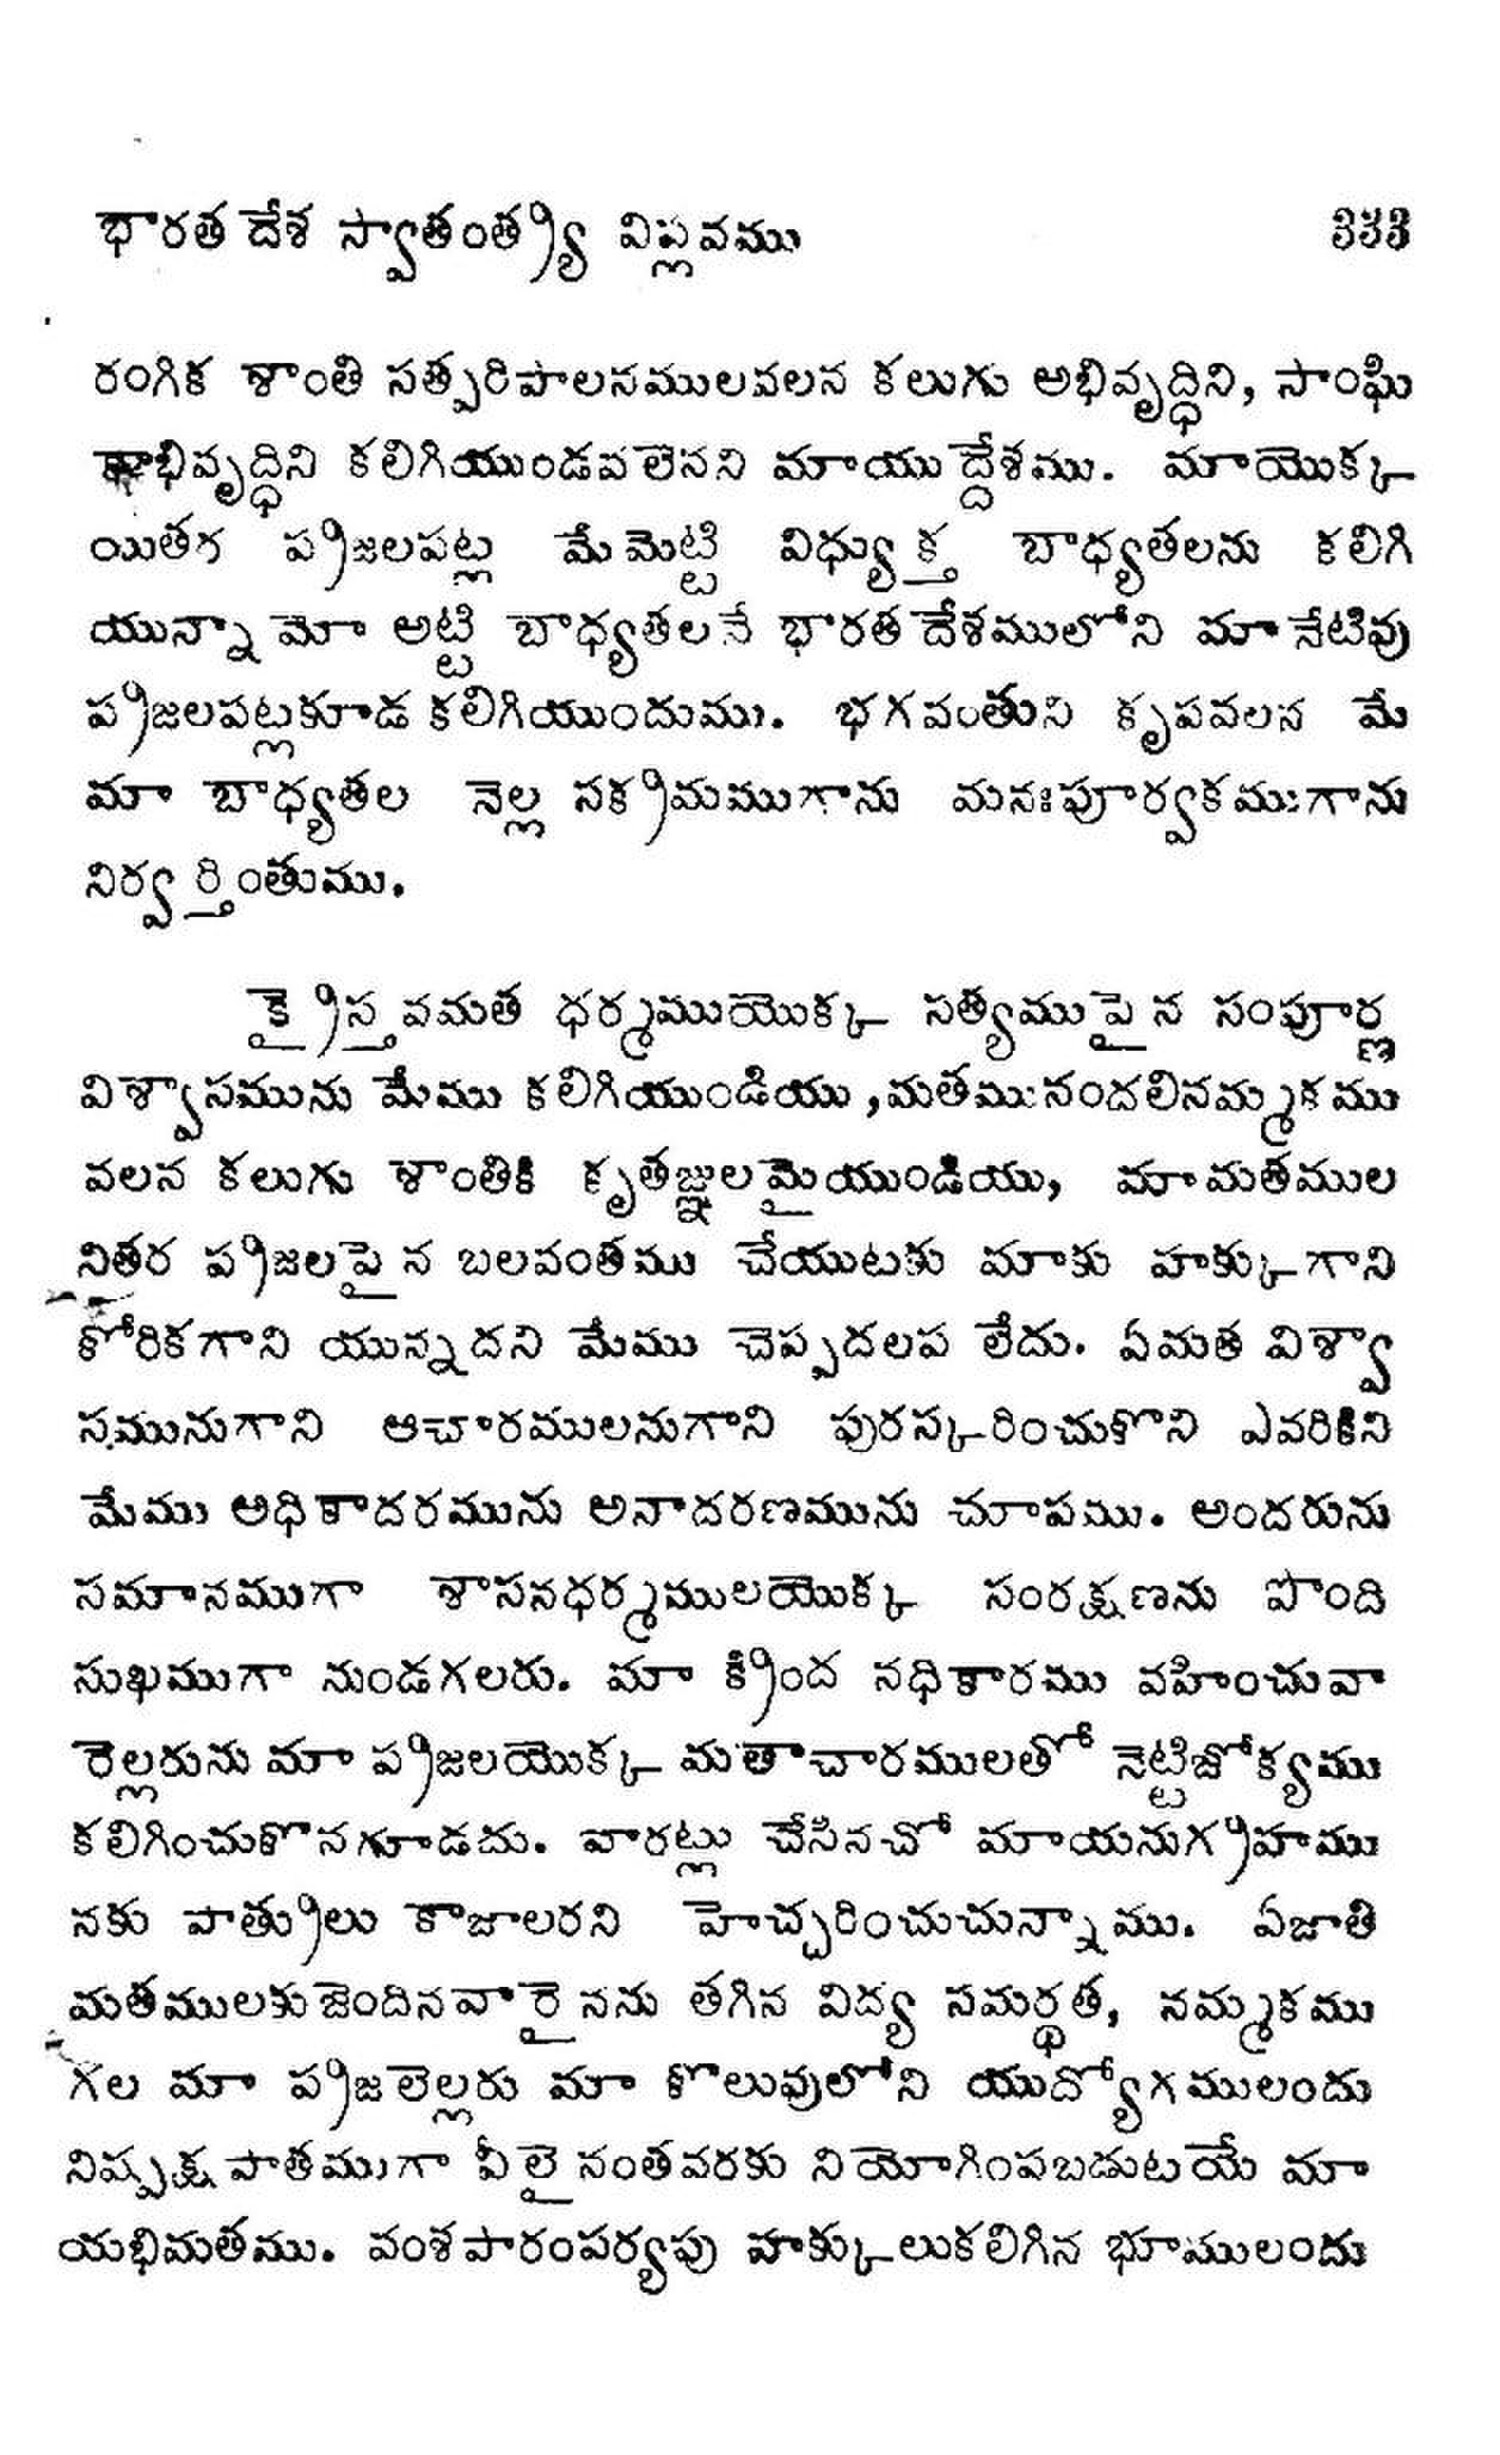రంగిక శాంతి సత్పరిపాలనములవలన కలుగు అభివృద్ధిని, సాంఘికాభివృద్ధిని కలిగియుండవలెనని మాయుద్దేశము. మాయొక్క యితర ప్రజలపట్ల మేమెట్టి విధ్యుక్త బాధ్యతలను కలిగియున్నామో అట్టి బాధ్యతలనే భారతదేశములోని మానేటివు ప్రజలపట్లకూడ కలిగియుందుము. భగవంతుని కృపవలన మేమా బాధ్యతల నెల్ల సక్రమముగాను మనఃపూర్వకముగాను నిర్వర్తింతుము.

క్రైస్తవమత ధర్మముయొక్క సత్యముపైన సంపూర్ణ విశ్వాసమును మేము కలిగియుండియు, మతమునందలినమ్మకము వలన కలుగు శాంతికి కృతజ్ఞులమైయుండియు, మామతముల నితర ప్రజలపైన బలవంతము చేయుటకు మాకు హక్కుగాని కోరికగాని యున్నదని మేము చెప్పదలప లేదు. ఏమత విశ్వాసమునుగాని ఆచారములనుగాని పురస్కరించుకొని ఎవరికిని మేము అధికాదరమును అనాదరణమును చూపము. అందరును సమానముగా శాసనధర్మములయొక్క సంరక్షణను పొంది సుఖముగా నుండగలరు. మా క్రింద నధికారము వహించువా రెల్లరును మా ప్రజలయొక్క మతాచారములతో నెట్టిజోక్యము కలిగించుకొనగూడదు. వారట్లు చేసినచో మాయనుగ్రహమునకు పాత్రులు కాజాలరని హెచ్చరించుచున్నాము. ఏజాతిమతములకుజెందినవారైనను తగిన విద్య సమర్థత, నమ్మకముగల మా ప్రజలెల్లరు మా కొలువులోని యుద్యోగములందు నిష్పక్షపాతముగా వీలైనంతవరకు నియోగింపబడుటయే మా యభిమతము. వంశపారంపర్యపు హక్కులుకలిగిన భూములందు